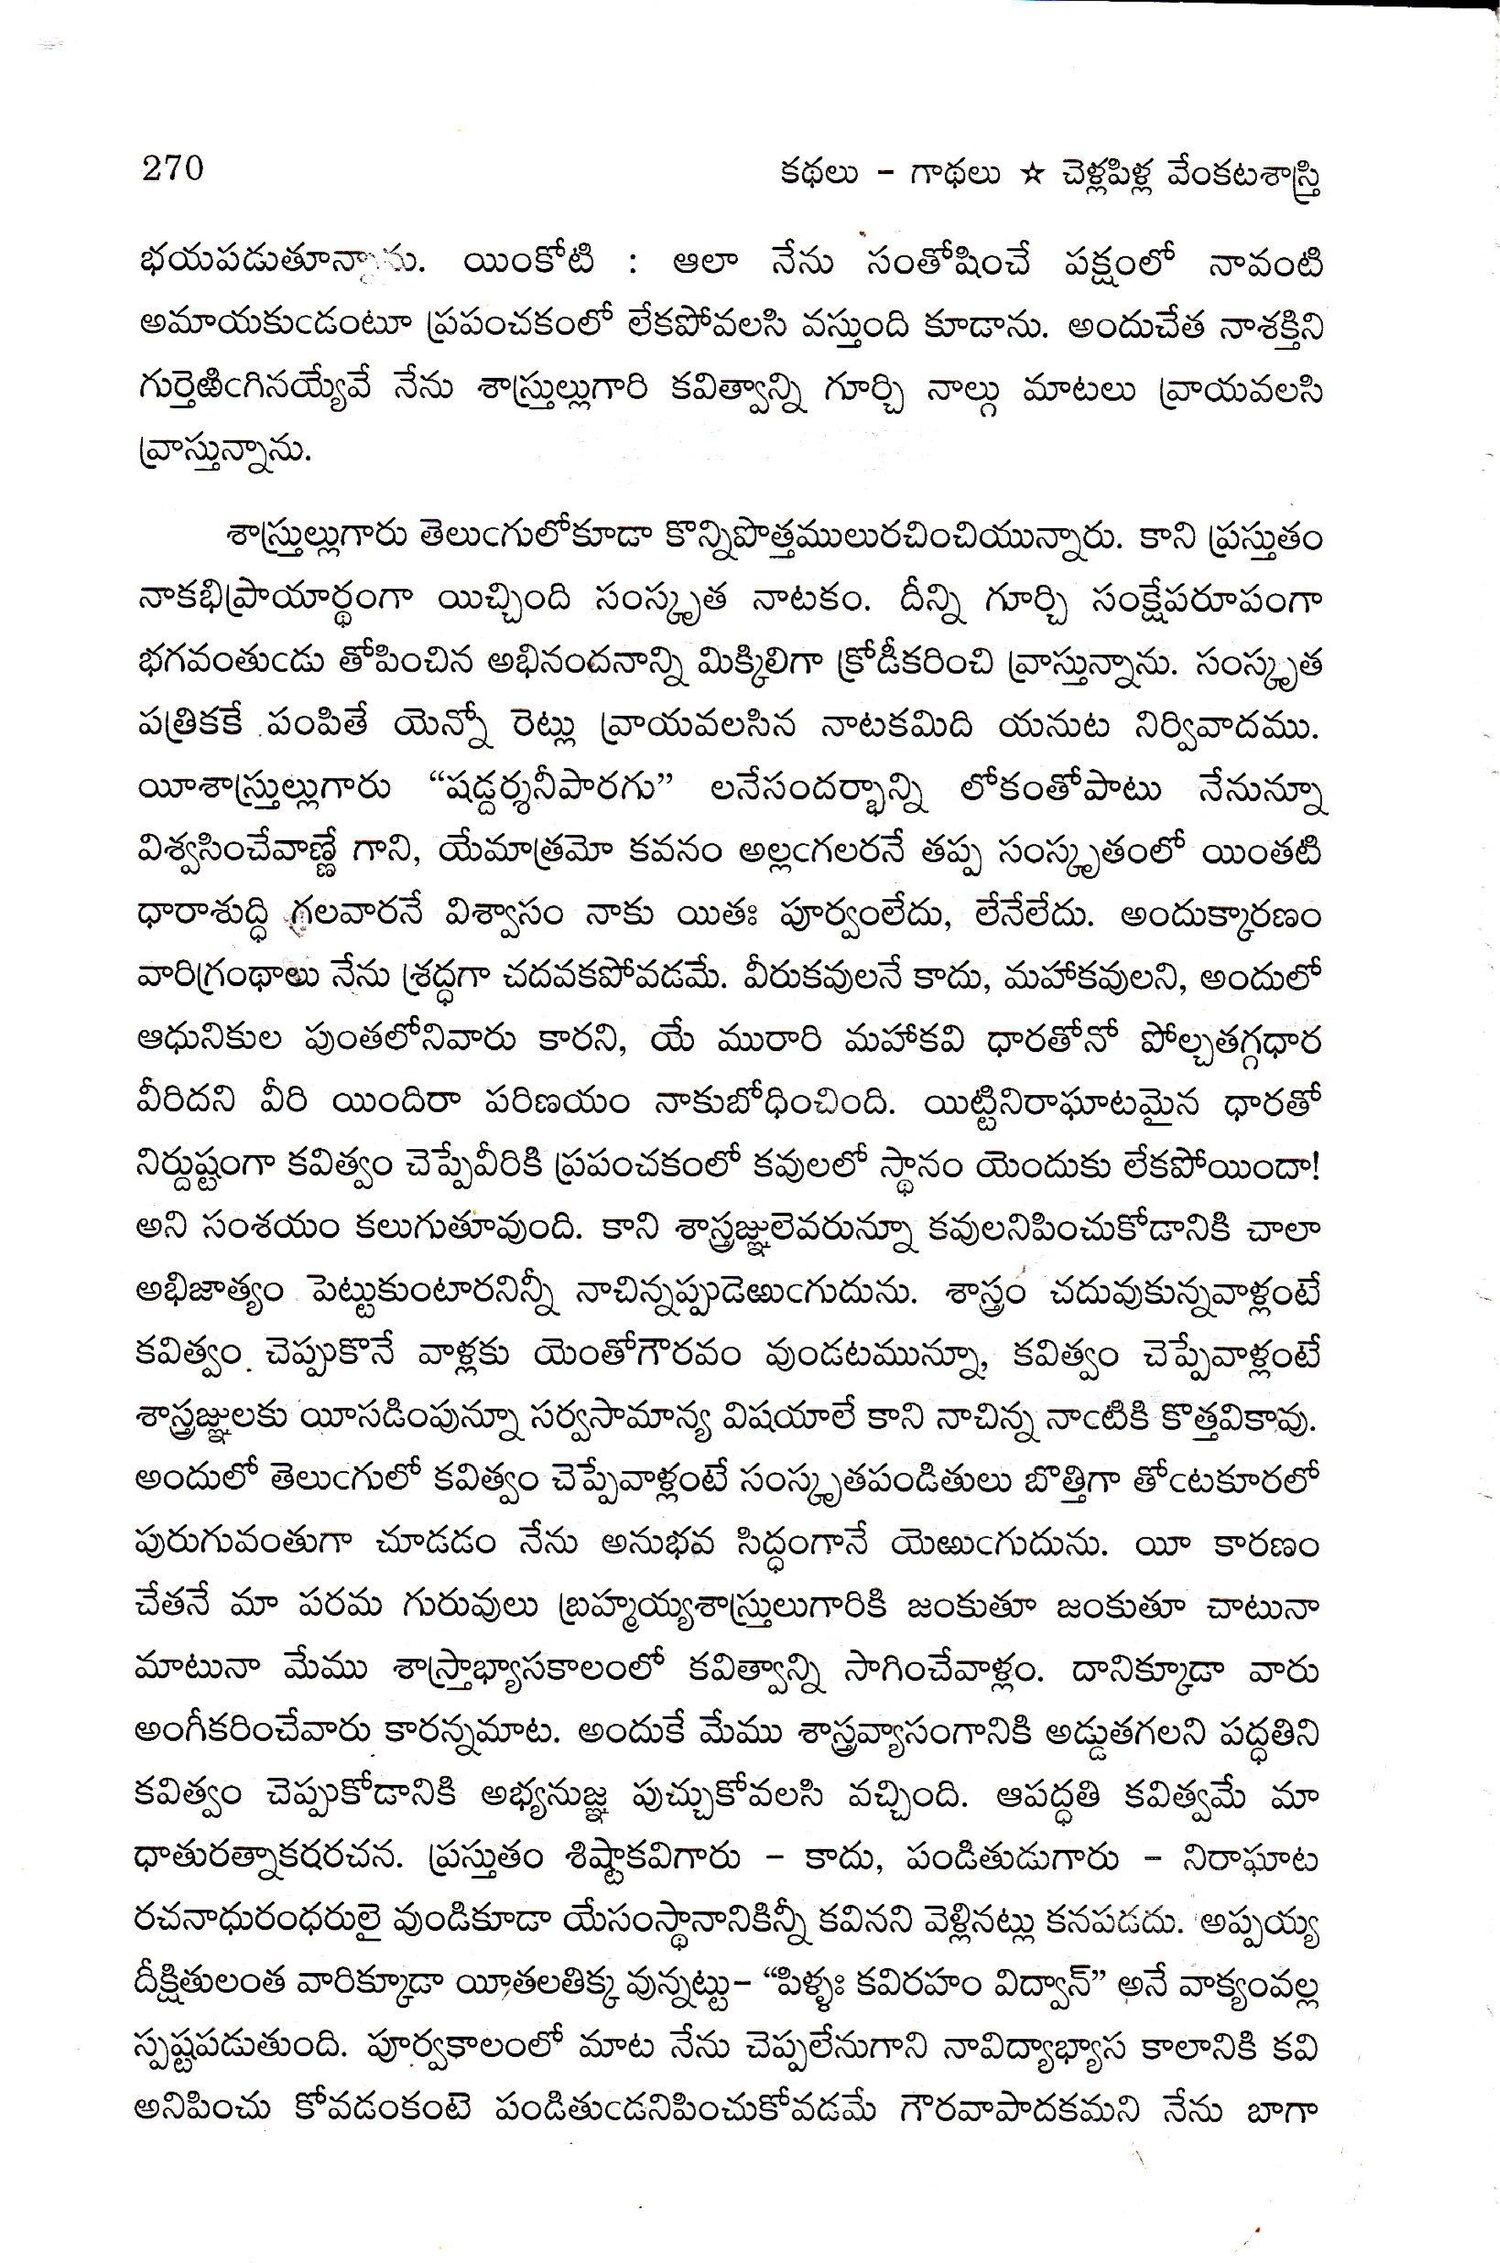భయపడుతూన్నాను. యింకోటి : ఆలా నేను సంతోషించే పక్షంలో నావంటి అమాయకుఁడంటూ ప్రపంచకంలో లేకపోవలసి వస్తుంది కూడాను. అందుచేత నాశక్తిని గుర్తెఱిఁగినయ్యేవే నేను శాస్త్రుల్లుగారి కవిత్వాన్ని గూర్చి నాల్గు మాటలు వ్రాయవలసి వ్రాస్తున్నాను.

శాస్త్రుల్లుగారు తెలుఁగులోకూడా కొన్నిపొత్తములురచించియున్నారు. కాని ప్రస్తుతం నాకభిప్రాయార్థంగా యిచ్చింది సంస్కృత నాటకం. దీన్ని గూర్చి సంక్షేపరూపంగా భగవంతుఁడు తోపించిన అభినందనాన్ని మిక్కిలిగా క్రోడీకరించి వ్రాస్తున్నాను. సంస్కృత పత్రికకే పంపితే యెన్నో రెట్లు వ్రాయవలసిన నాటకమిది యనుట నిర్వివాదము. యీశాస్త్రుల్లుగారు ‘షడ్దర్శనీపారగు" లనేసందర్భాన్ని లోకంతోపాటు నేనున్నూ విశ్వసించేవాణ్ణే గాని, యేమాత్రమో కవనం అల్లఁగలరనే తప్ప సంస్కృతంలో యింతటి ధారాశుద్ధి గలవారనే విశ్వాసం నాకు యితః పూర్వంలేదు, లేనేలేదు. అందుక్కారణం వారిగ్రంథాలు నేను శ్రద్ధగా చదవకపోవడమే. వీరుకవులనే కాదు, మహాకవులని, అందులో ఆధునికుల పుంతలోనివారు కారని, యే మురారి మహాకవి ధారతోనో పోల్చతగ్గధార వీరిదని వీరి యిందిరా పరిణయం నాకుబోధించింది. యిట్టినిరాఘాటమైన ధారతో నిర్దుష్టంగా కవిత్వం చెప్పేవీరికి ప్రపంచకంలో కవులలో స్థానం యెందుకు లేకపోయిందా! అని సంశయం కలుగుతూవుంది. కాని శాస్త్రజ్ఞులెవరున్నూ కవులనిపించుకోడానికి చాలా అభిజాత్యం పెట్టుకుంటారనిన్నీ నాచిన్నప్పుడెఱుఁగుదును. శాస్త్రం చదువుకున్నవాళ్లంటే కవిత్వం చెప్పుకొనే వాళ్లకు యెంతోగౌరవం వుండటమున్నూ, కవిత్వం చెప్పేవాళ్లంటే శాస్త్రజ్ఞులకు యీసడింపున్నూ సర్వసామాన్య విషయాలే కాని నాచిన్న నాఁటికి కొత్తవికావు. అందులో తెలుఁగులో కవిత్వం చెప్పేవాళ్లంటే సంస్కృతపండితులు బొత్తిగా తోcటకూరలో పురుగువంతుగా చూడడం నేను అనుభవ సిద్ధంగానే యెఱుఁగుదును. యీ కారణం చేతనే మా పరమ గురువులు బ్రహ్మయ్యశాస్త్రులుగారికి జంకుతూ జంకుతూ చాటునా మాటునా మేము శాస్త్రాభ్యాసకాలంలో కవిత్వాన్ని సాగించేవాళ్లం. దానిక్కూడా వారు అంగీకరించేవారు కారన్నమాట. అందుకే మేము శాస్త్రవ్యాసంగానికి అడ్డుతగలని పద్ధతిని కవిత్వం చెప్పకోడానికి అభ్యనుజ్ఞ పుచ్చుకోవలసి వచ్చింది. ఆపద్ధతి కవిత్వమే మా ధాతురత్నాకరరచన. ప్రస్తుతం శిష్టాకవిగారు - కాదు, పండితుడుగారు - నిరాఘాట రచనాధురంధరులై వుండికూడా యేసంస్థానానికిన్నీ కవినని వెళ్లినట్లు కనపడదు. అప్పయ్య దీక్షితులంత వారిక్కూడా యీతలతిక్కవున్నట్టు- “పిళ్ళః కవిరహం విద్వాన్" అనే వాక్యంవల్ల స్పష్టపడుతుంది. పూర్వకాలంలో మాట నేను చెప్పలేనుగాని నావిద్యాభ్యాస కాలానికి కవి అనిపించు కోవడంకంటె పండితుఁడనిపించుకోవడమే గౌరవాపాదకమని నేను బాగా